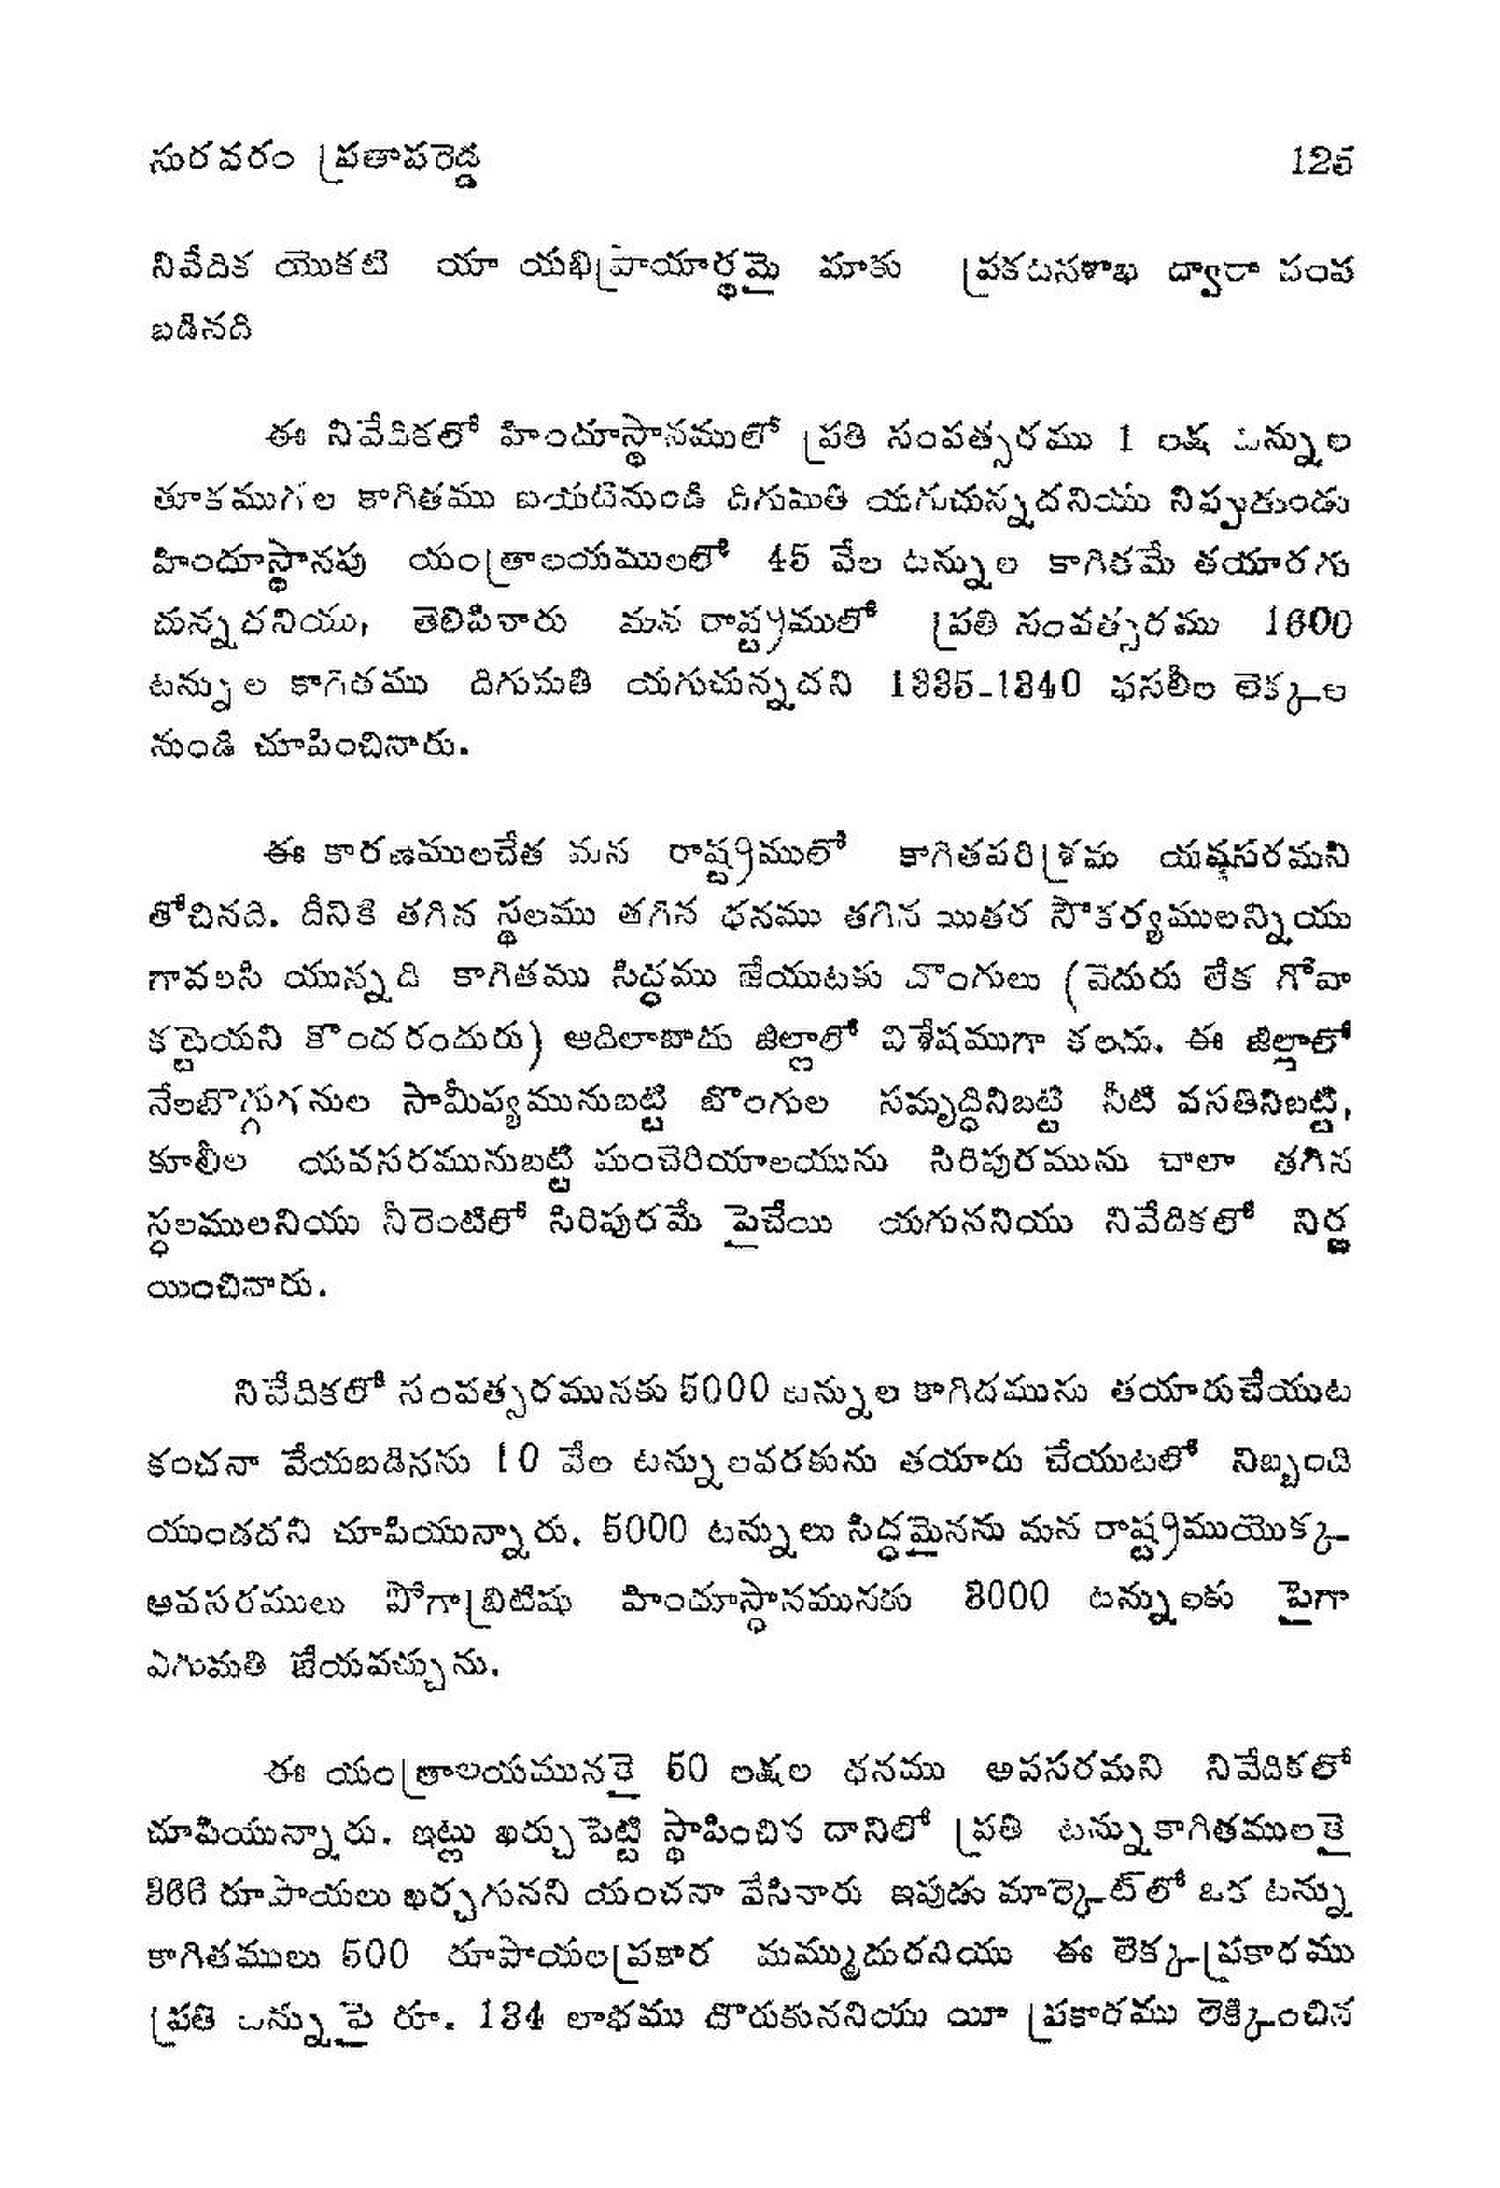నివేదిక యొకటి యా యభిప్రాయార్థమై మాకు ప్రకటనశాఖ ద్వారా పంపబడినది

ఈ నివేదికలో హిందూస్థానములో ప్రతి సంవత్సరము 1 లక్ష టన్నుల తూకముగల కాగితము బయటినుండి దిగుమితి యగుచున్నదనియు నిప్పుడుండు హిందూస్థానపు యంత్రాలయములలో 45 వేల టన్నుల కాగితమే తయారగుచున్నదనియు, తెలిపినారు. మన రాష్ట్రములో ప్రతి సంవత్సరము 1600 టన్నుల కాగితము దిగుమతి యగుచున్నదని 1335-1340 ఫసలీల లెక్కల నుండి చూపించినారు.

ఈ కారణములచేత మన రాష్ట్రములో కాగితపరిశ్రమ యవసరమని తోచినది. దీనికి తగిన స్థలము తగిన ధనము తగిన యితర సౌకర్యములన్నియు గావలసి యున్నది కాగితము సిద్ధము జేయుటకు బొంగులు (వెదురు లేక గోవా
కట్టెయని కొందరందురు) ఆదిలాబాదు జిల్లాలో విశేషముగా కలదు. ఈ జిల్లాలో నేలబొగ్గుగనుల సామీప్యమునుబట్టి బొంగుల సమృద్ధినిబట్టి నీటి వసతినిబట్టి, కూలీల యవసరమునుబట్టి మంచెరియాలయును సిరిపురమును చాలా తగిన స్థలములనియు నీరెంటిలో సిరిపురమే పైచేయి యగుననియు నివేదికలో నిర్ణయించినారు.

నివేదికలో సంవత్సరమునకు 5000 టన్నుల కాగిదమును తయారుచేయుట కంచనా వేయబడినను 10 వేల టన్నులవరకును తయారు చేయుటలో నిబ్బంది యుండదని చూపియున్నారు. 5000 టన్నులు సిద్ధమైనను మన రాష్ట్రముయొక్క అవసరములు పోగా బ్రిటిషు హిందూస్థానమునకు 3000 టన్నులకు పైగా ఎగుమతి జేయవచ్చును.

ఈ యంత్రాలయమునకై 50 లక్షల ధనము అవసరమని నివేదికలో చూపియున్నారు. ఇట్లు ఖర్చు పెట్టి స్థాపించిన దానిలో ప్రతి టన్ను కాగితములకై 366 రూపాయలు ఖర్చగునని యంచనా వేసినారు ఇపుడు మార్కెట్‌లో ఒక టన్ను
కాగితములు 500 రూపాయలప్రకార మమ్ముదురనియు ఈ లెక్క ప్రకారము ప్రతి టన్ను పై రూ. 134 లాభము దొరుకుననియు యీ ప్రకారము లెక్కించిన